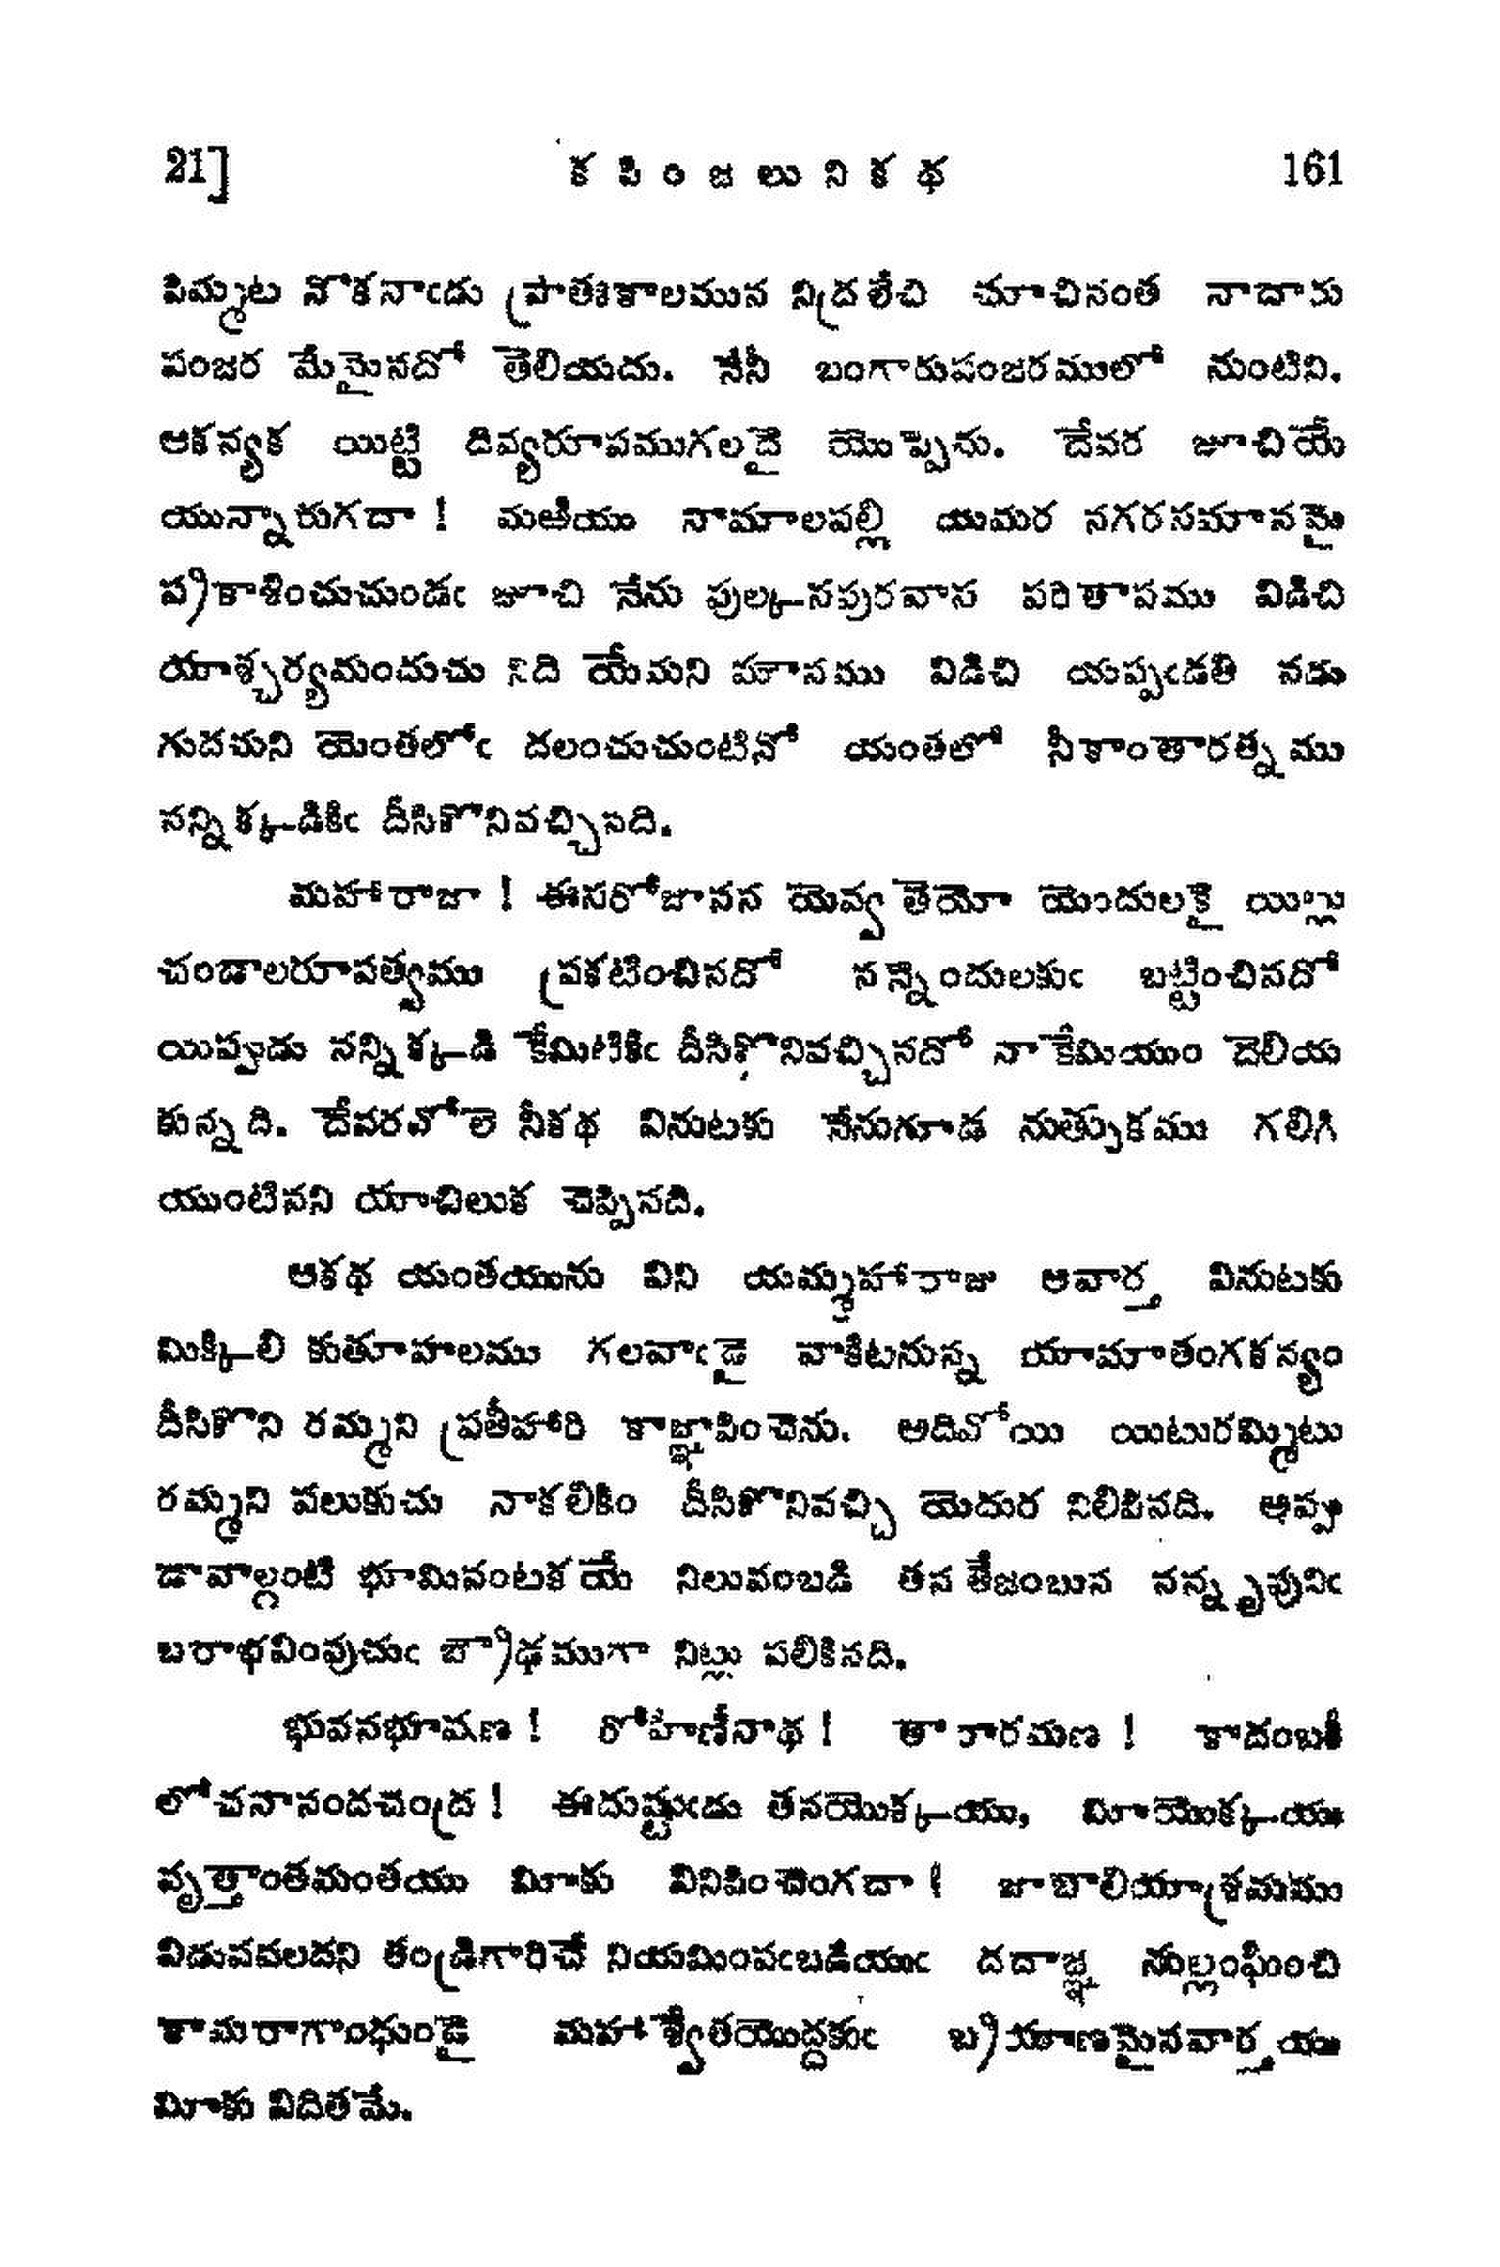పిమ్మట నొకనాఁడు ప్రాతఃకాలమున నిద్రలేచి చూచినంత నాదారు పంజర మేమైనదో తెలియదు. నేనీ బంగారుపంజరములో నుంటిని. ఆకన్యక యిట్టి దివ్యరూపముగలదై యొప్పెను. దేవర జూచియే యున్నారుగదా! మఱియు నామాలపల్లి యమర నగరసమానమై ప్రకాశించుచుండఁ జూచి నేను పుల్కనపురవాస పరితాపము విడిచి యాశ్చర్యమందుచు నిది యేమని మౌనము విడిచి యప్పఁడతి నడుగుదమని యెంతలోఁ దలంచుచుంటినో యంతలో నీకాంతారత్నము నన్నిక్కడికిఁ దీసికొనివచ్చినది.

మహారాజా! ఈసరోజానన యెవ్వతెయో యెందులకై యిట్లు చండాలరూపత్వము ప్రకటించినదో నన్నెందులకుఁ బట్టించినదో యిప్పుడు నన్నిక్కడి కేమిటికిఁ దీసికొనివచ్చినదో నాకేమియుం దెలియకున్నది. దేవరవోలె నీకథ వినుటకు నేనుగూడ నుత్సుకము గలిగి యుంటినని యాచిలుక చెప్పినది.

ఆకథ యంతయును విని యమ్మహారాజు ఆవార్త వినుటకు మిక్కిలి కుతూహలము గలవాఁడై వాకిటనున్న యామాతంగకన్యం దీసికొని రమ్మని ప్రతీహారి కాజ్ఞాపించెను. అదివోయి యిటురమ్మిటు రమ్మని పలుకుచు నాకలికిం దీసికొనివచ్చి యెదుర నిలిపినది. అప్పు డావాల్గంటి భూమినంటకయే నిలువంబడి తన తేజంబున నన్నృపునిఁ బరాభవింపుచుఁ బ్రౌఢముగా నిట్లు పలికినది.

భువనభూషణ! రోహిణీనాథ! తారారమణ! కాదంబరీలోచనానందచంద్ర! ఈదుష్టుఁడు తనయొక్కయు, మీయొక్కయు వృత్తాంతమంతయు మీకు వినిపించెంగదా! జాబాలియాశ్రమము విడువవలదని తండ్రిగారిచే నియమింపఁబడియుఁ దదాజ్ఞ నుల్లంఘించి కామరాగాంధుండై మహాశ్వేతయొద్దకుఁ బ్రయాణమైనవార్తయు మీకు విదితమే.